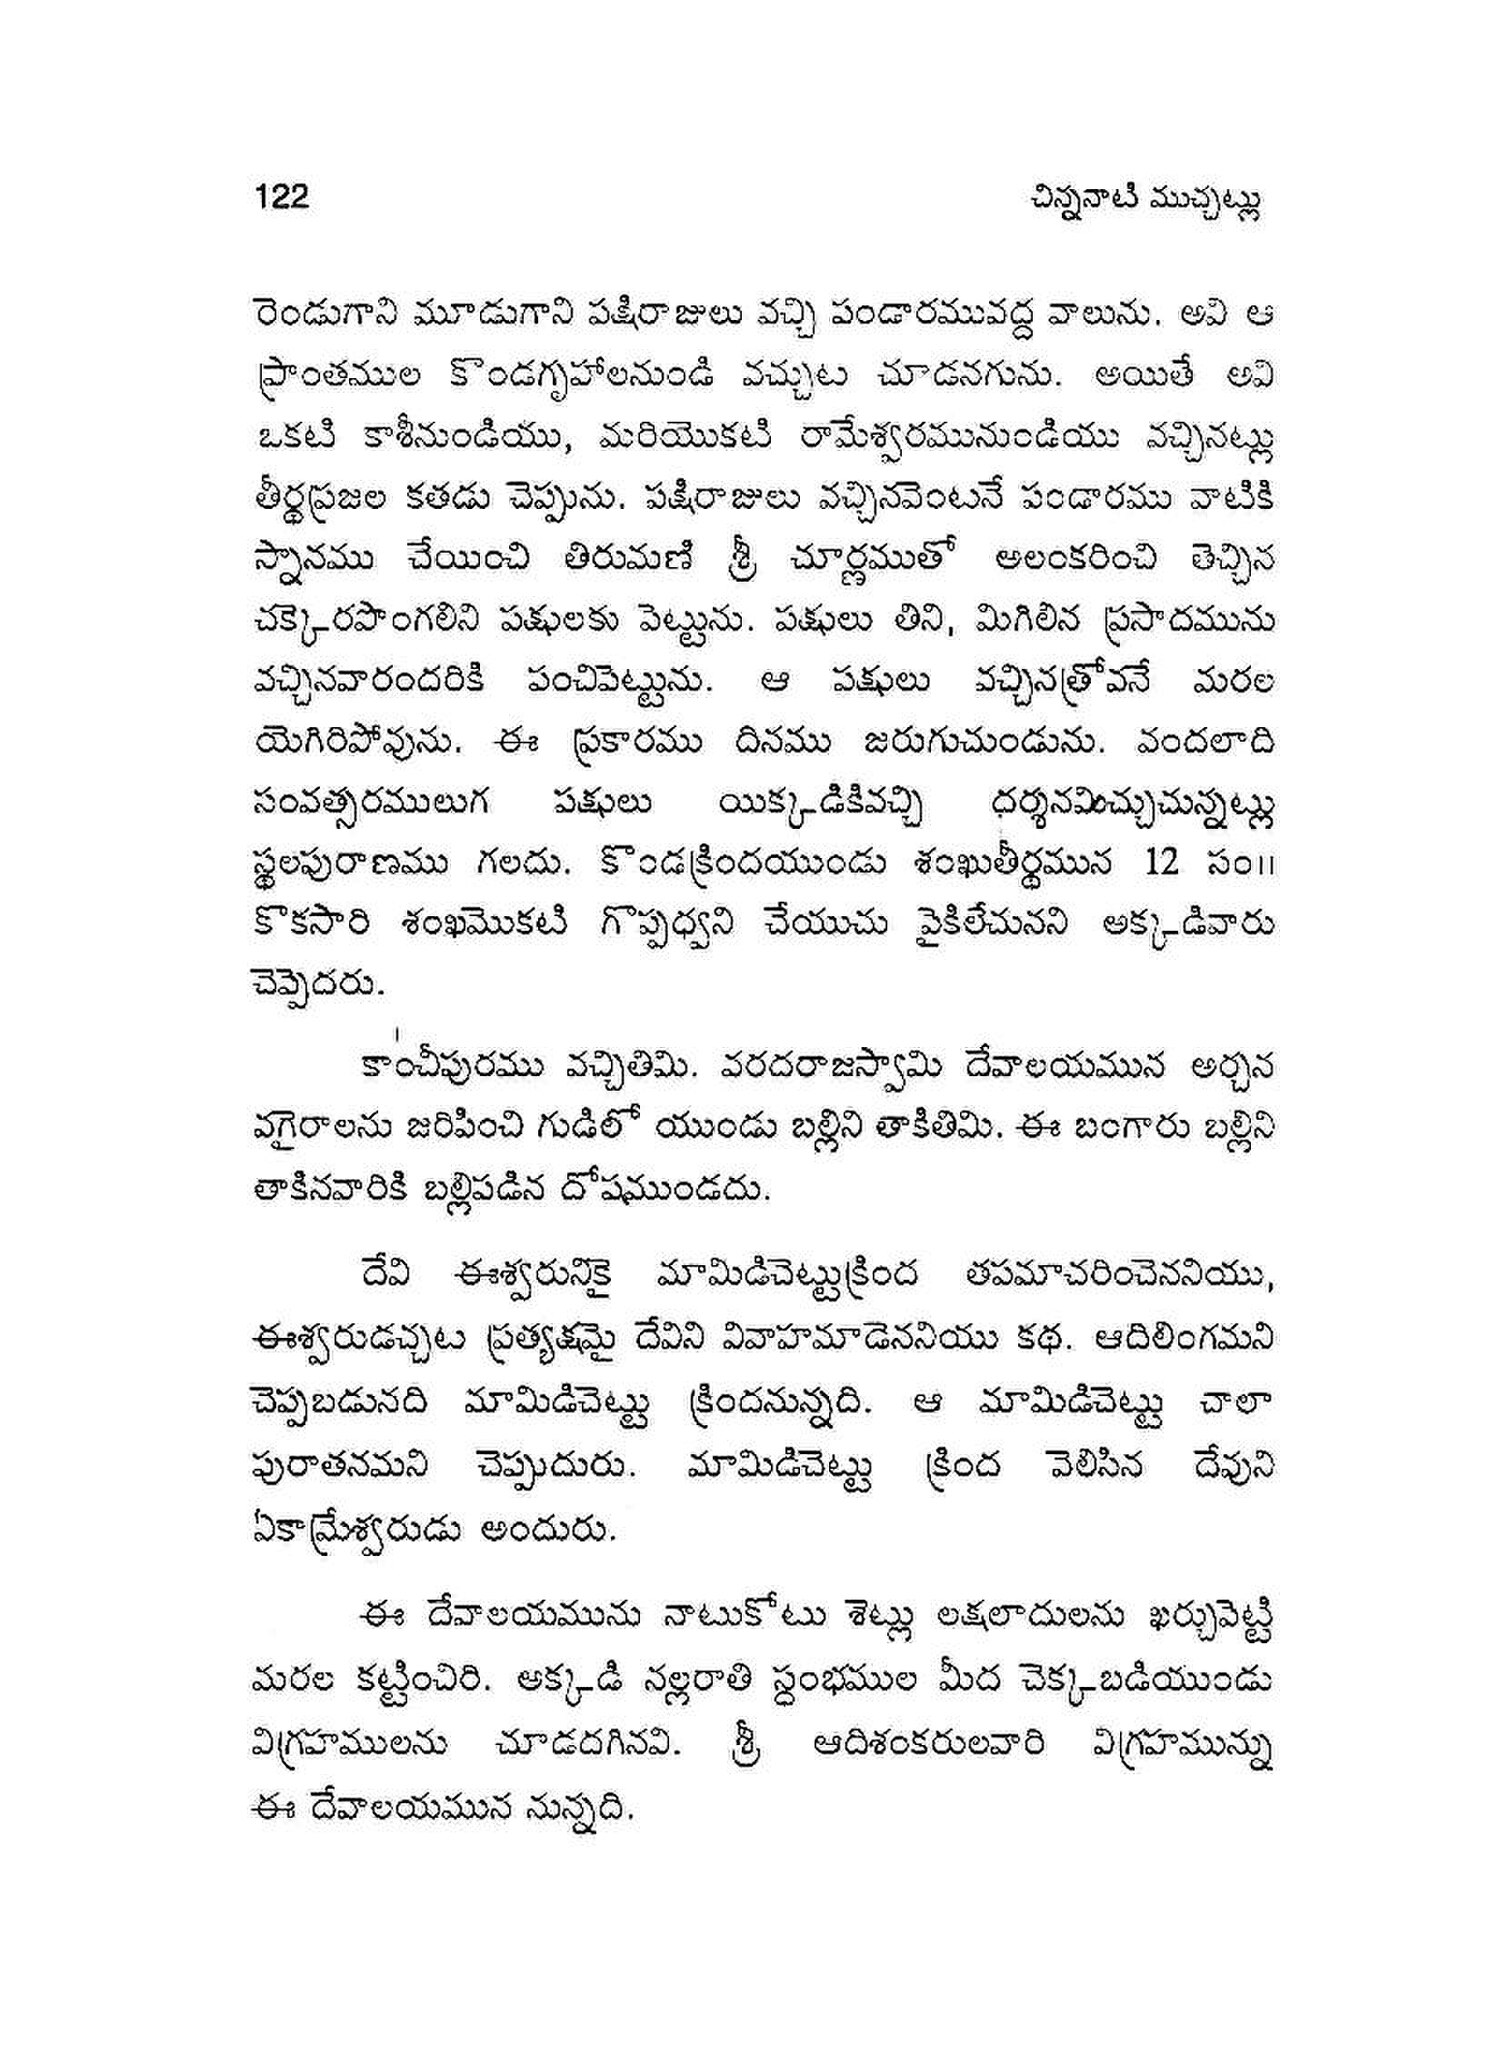రెండుగాని మూడుగాని పక్షిరాజులు వచ్చి పండారమువద్ద వాలును. అవి ఆ ప్రాంతముల కొండగృహాలనుండి వచ్చుట చూడనగును. అయితే అవి ఒకటి కాశీనుండియు, మరియొకటి రామేశ్వరమునుండియు వచ్చినట్లు తీర్ధప్రజల కతడు చెప్పును. పక్షిరాజులు వచ్చినవెంటనే పండారము వాటికి స్నానము చేయించి తిరుమణి శ్రీ చూర్ణముతో అలంకరించి తెచ్చిన చక్కెరపొంగలిని పక్షులకు పెట్టును. పక్షులు తిని, మిగిలిన ప్రసాదమును వచ్చినవారందరికి పంచిపెట్టును. ఆ పక్షులు వచ్చిన త్రోవనే మరల యెగిరిపోవును. ఈ ప్రకారము దినము జరుగుచుండును. వందలాది సంవత్సరములుగ పక్షులు యిక్కడికివచ్చి ధర్శనమిచ్చుచున్నట్లు స్థలపురాణము గలదు. కొండక్రిందయుండు శంఖుతీర్ధమున 12 సం|| కొకసారి శంఖమొకటి గొప్పధ్వని చేయుచు వైకిలేచునని అక్కడివారు చెప్పెదరు.

కాంచీపురము వచ్చితిమి. వరదరాజస్వామి దేవాలయమున అర్చన వగైరాలను జరిపించి గుడిలో యుండు బల్లిని తాకితిమి. ఈ బంగారు బల్లిని తాకినవారికి బల్లిపడిన దోషముండదు.

దేవి ఈశ్వరునికై మామిడిచెట్టుక్రింద తపమాచరించెననియు, ఈశ్వరుడచ్చట ప్రత్యక్షమై దేవిని వివాహమాడెననియు కథ. ఆదిలింగమని చెప్పబడునది మామిడిచెట్టు క్రిందనున్నది. ఆ మామిడిచెట్టు చాలా పురాతనమని చెప్పదురు. మామిడిచెట్టు క్రింద వెలిసిన దేవుని ఏకామ్రేశ్వరుడు అందురు.

ఈ దేవాలయమును నాటుకోటు శెట్లు లక్షలాదులను ఖర్చుపెట్టి మరల కట్టించిరి. అక్కడి నల్లరాతి స్తంభముల మీద చెక్కబడియుండు విగ్రహములను చూడదగినవి. శ్రీ ఆదిశంకరులవారి విగ్రహమున్ను ఈ దేవాలయమున నున్నది.